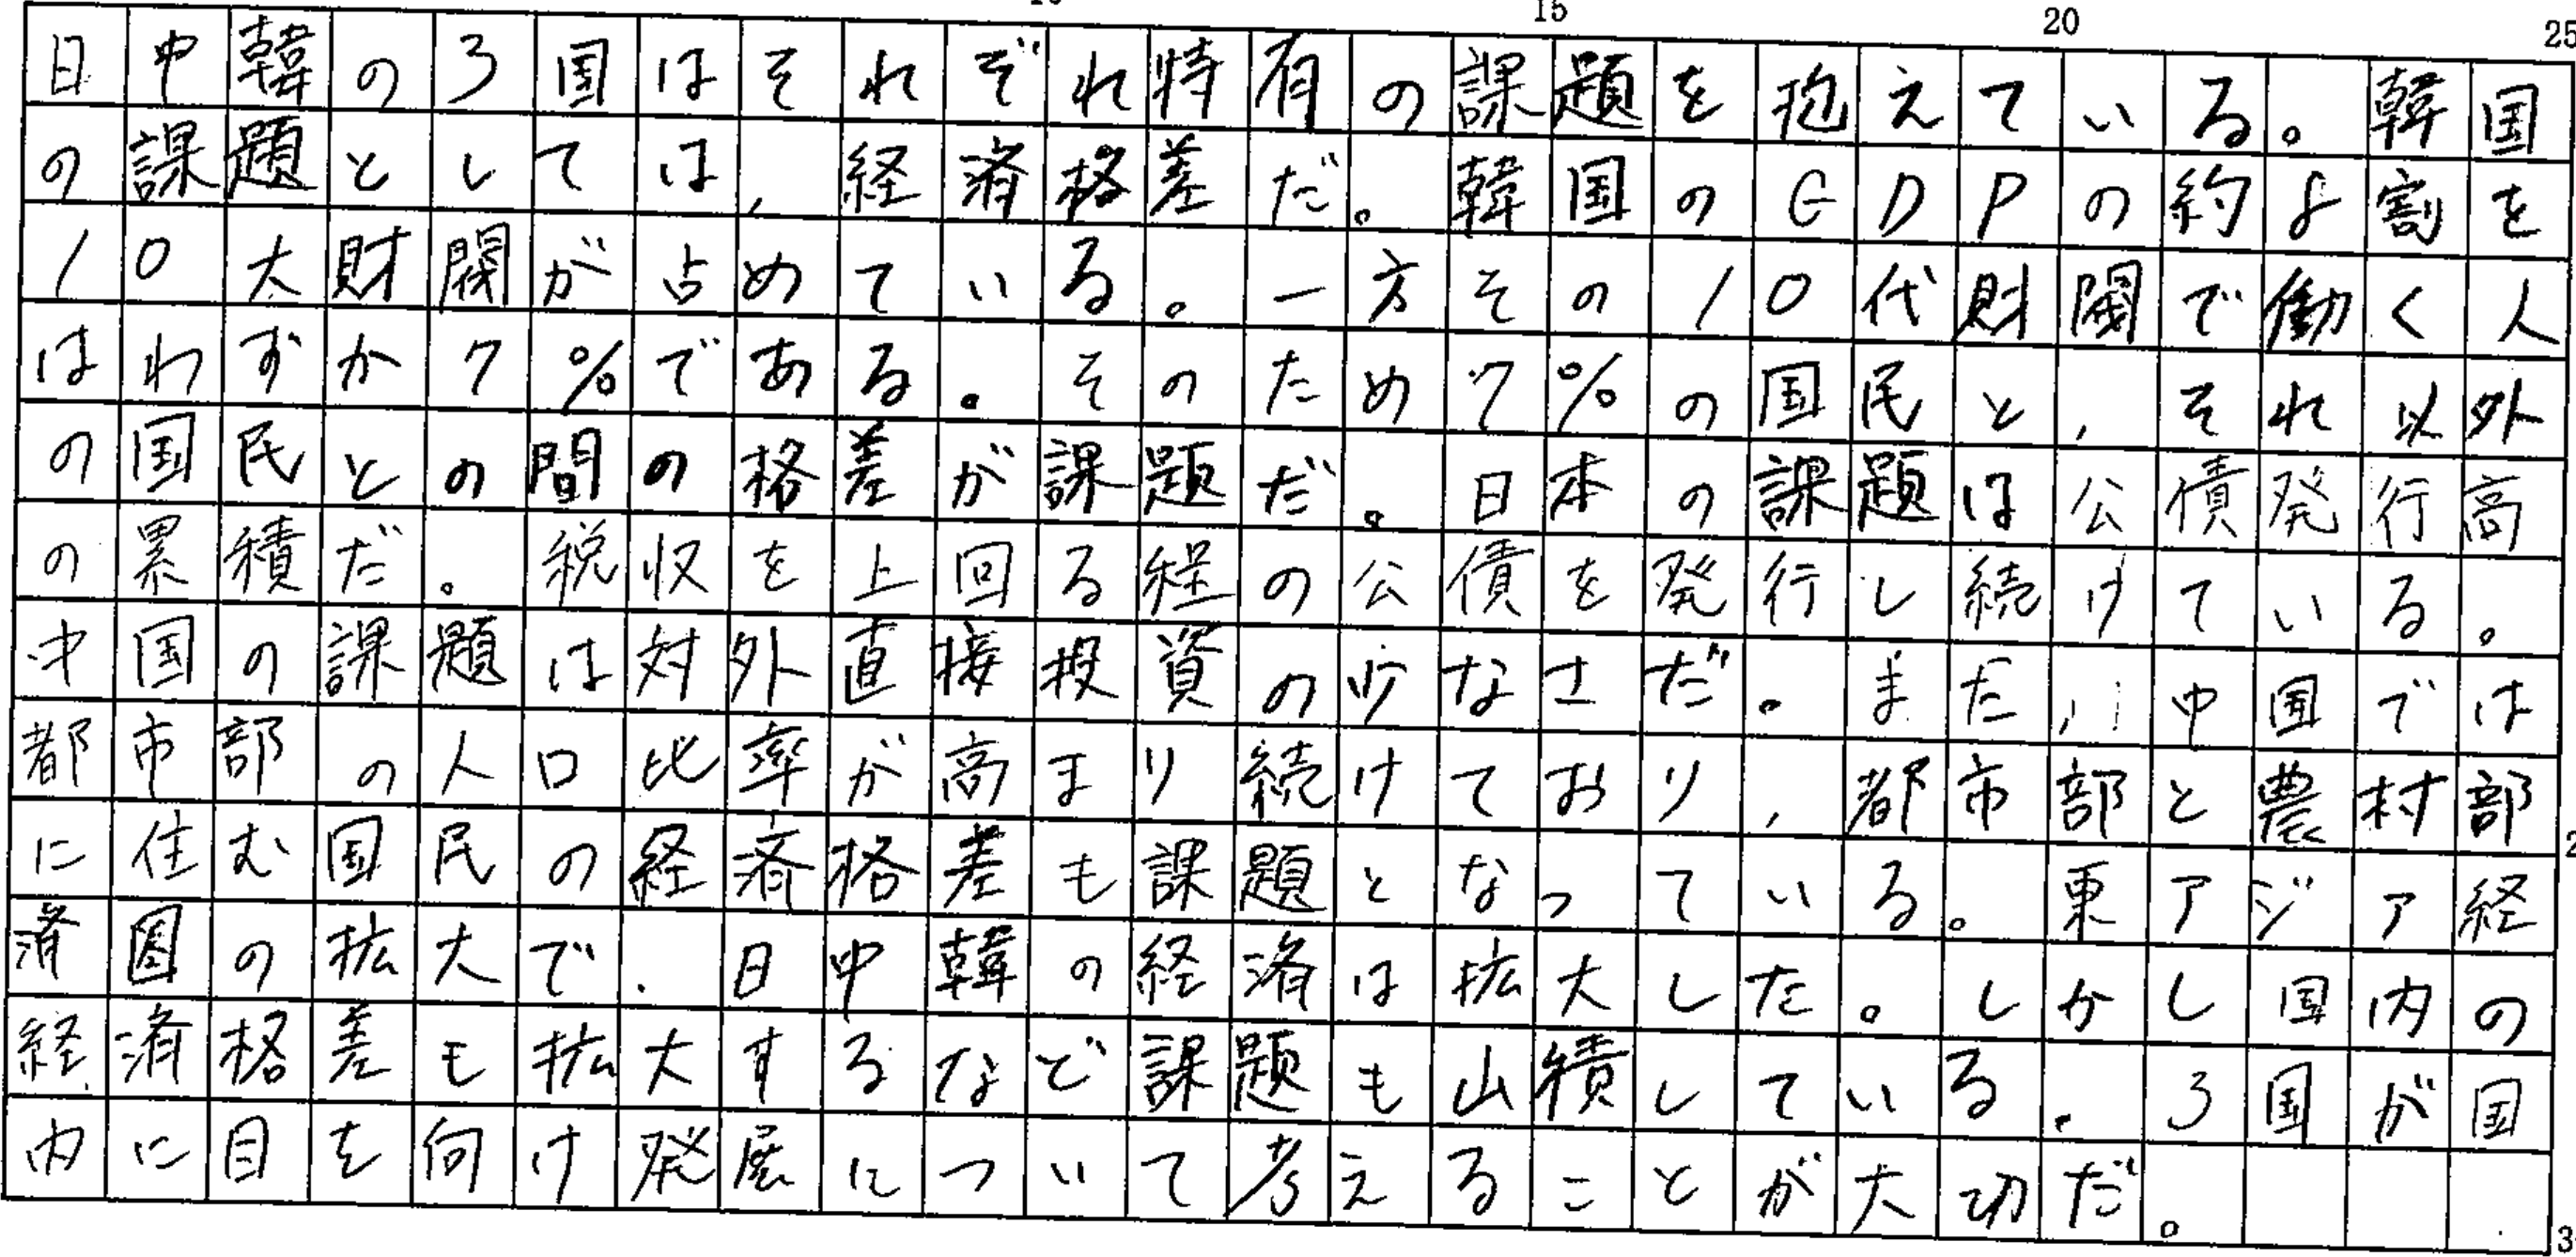日中韓の３国はそれぞれ特有の課題を抱えている。韓国の課題としては，経済格差だ。韓国のＧＤＰの約８割を１０大財閥が占めている。一方その１０代財閥で働く人はわずか７％である。そのため７％の国民と，それ以外の国民との間の格差が課題だ。日本の課題は公債発行高の累積だ。税収を上回る程の公債を発行し続けている。中国の課題は対外直接投資の少なさだ。また，中国では都市部の人口比率が高まり続けており，都市部と農村部に住む国民の経済格差も課題となっている。東アジア経済圏の拡大で、日中韓の経済は拡大した。しかし国内の経済格差も拡大するなど課題も山積している。３国が国内に目を向け発展について考えることが大切だ。
